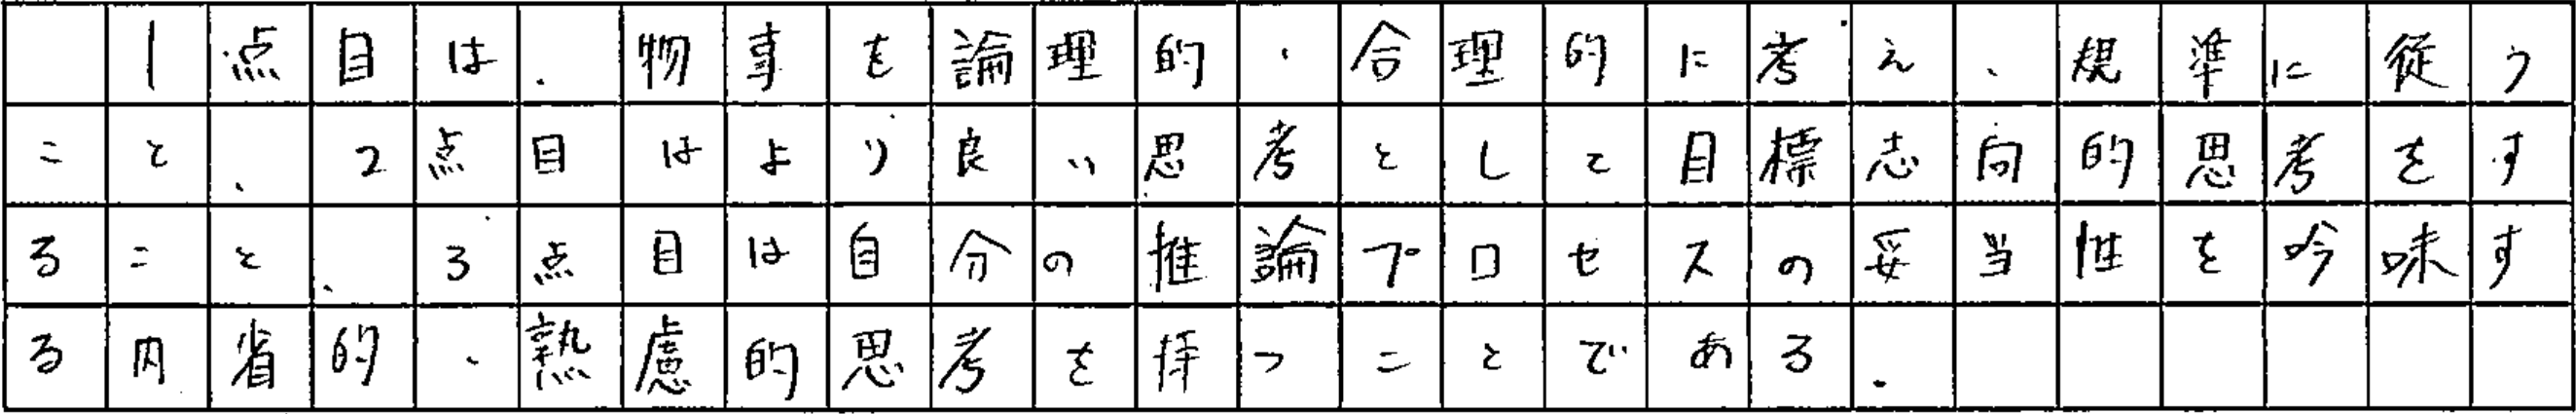　１点目は、物事を論理的・合理的に考え、規準に従うこと、２点目はより良い思考として目標志向的思考をすること、３点目は自分の推論プロセスの妥当性を吟味する内省的・熟慮的思考を持つことである。
